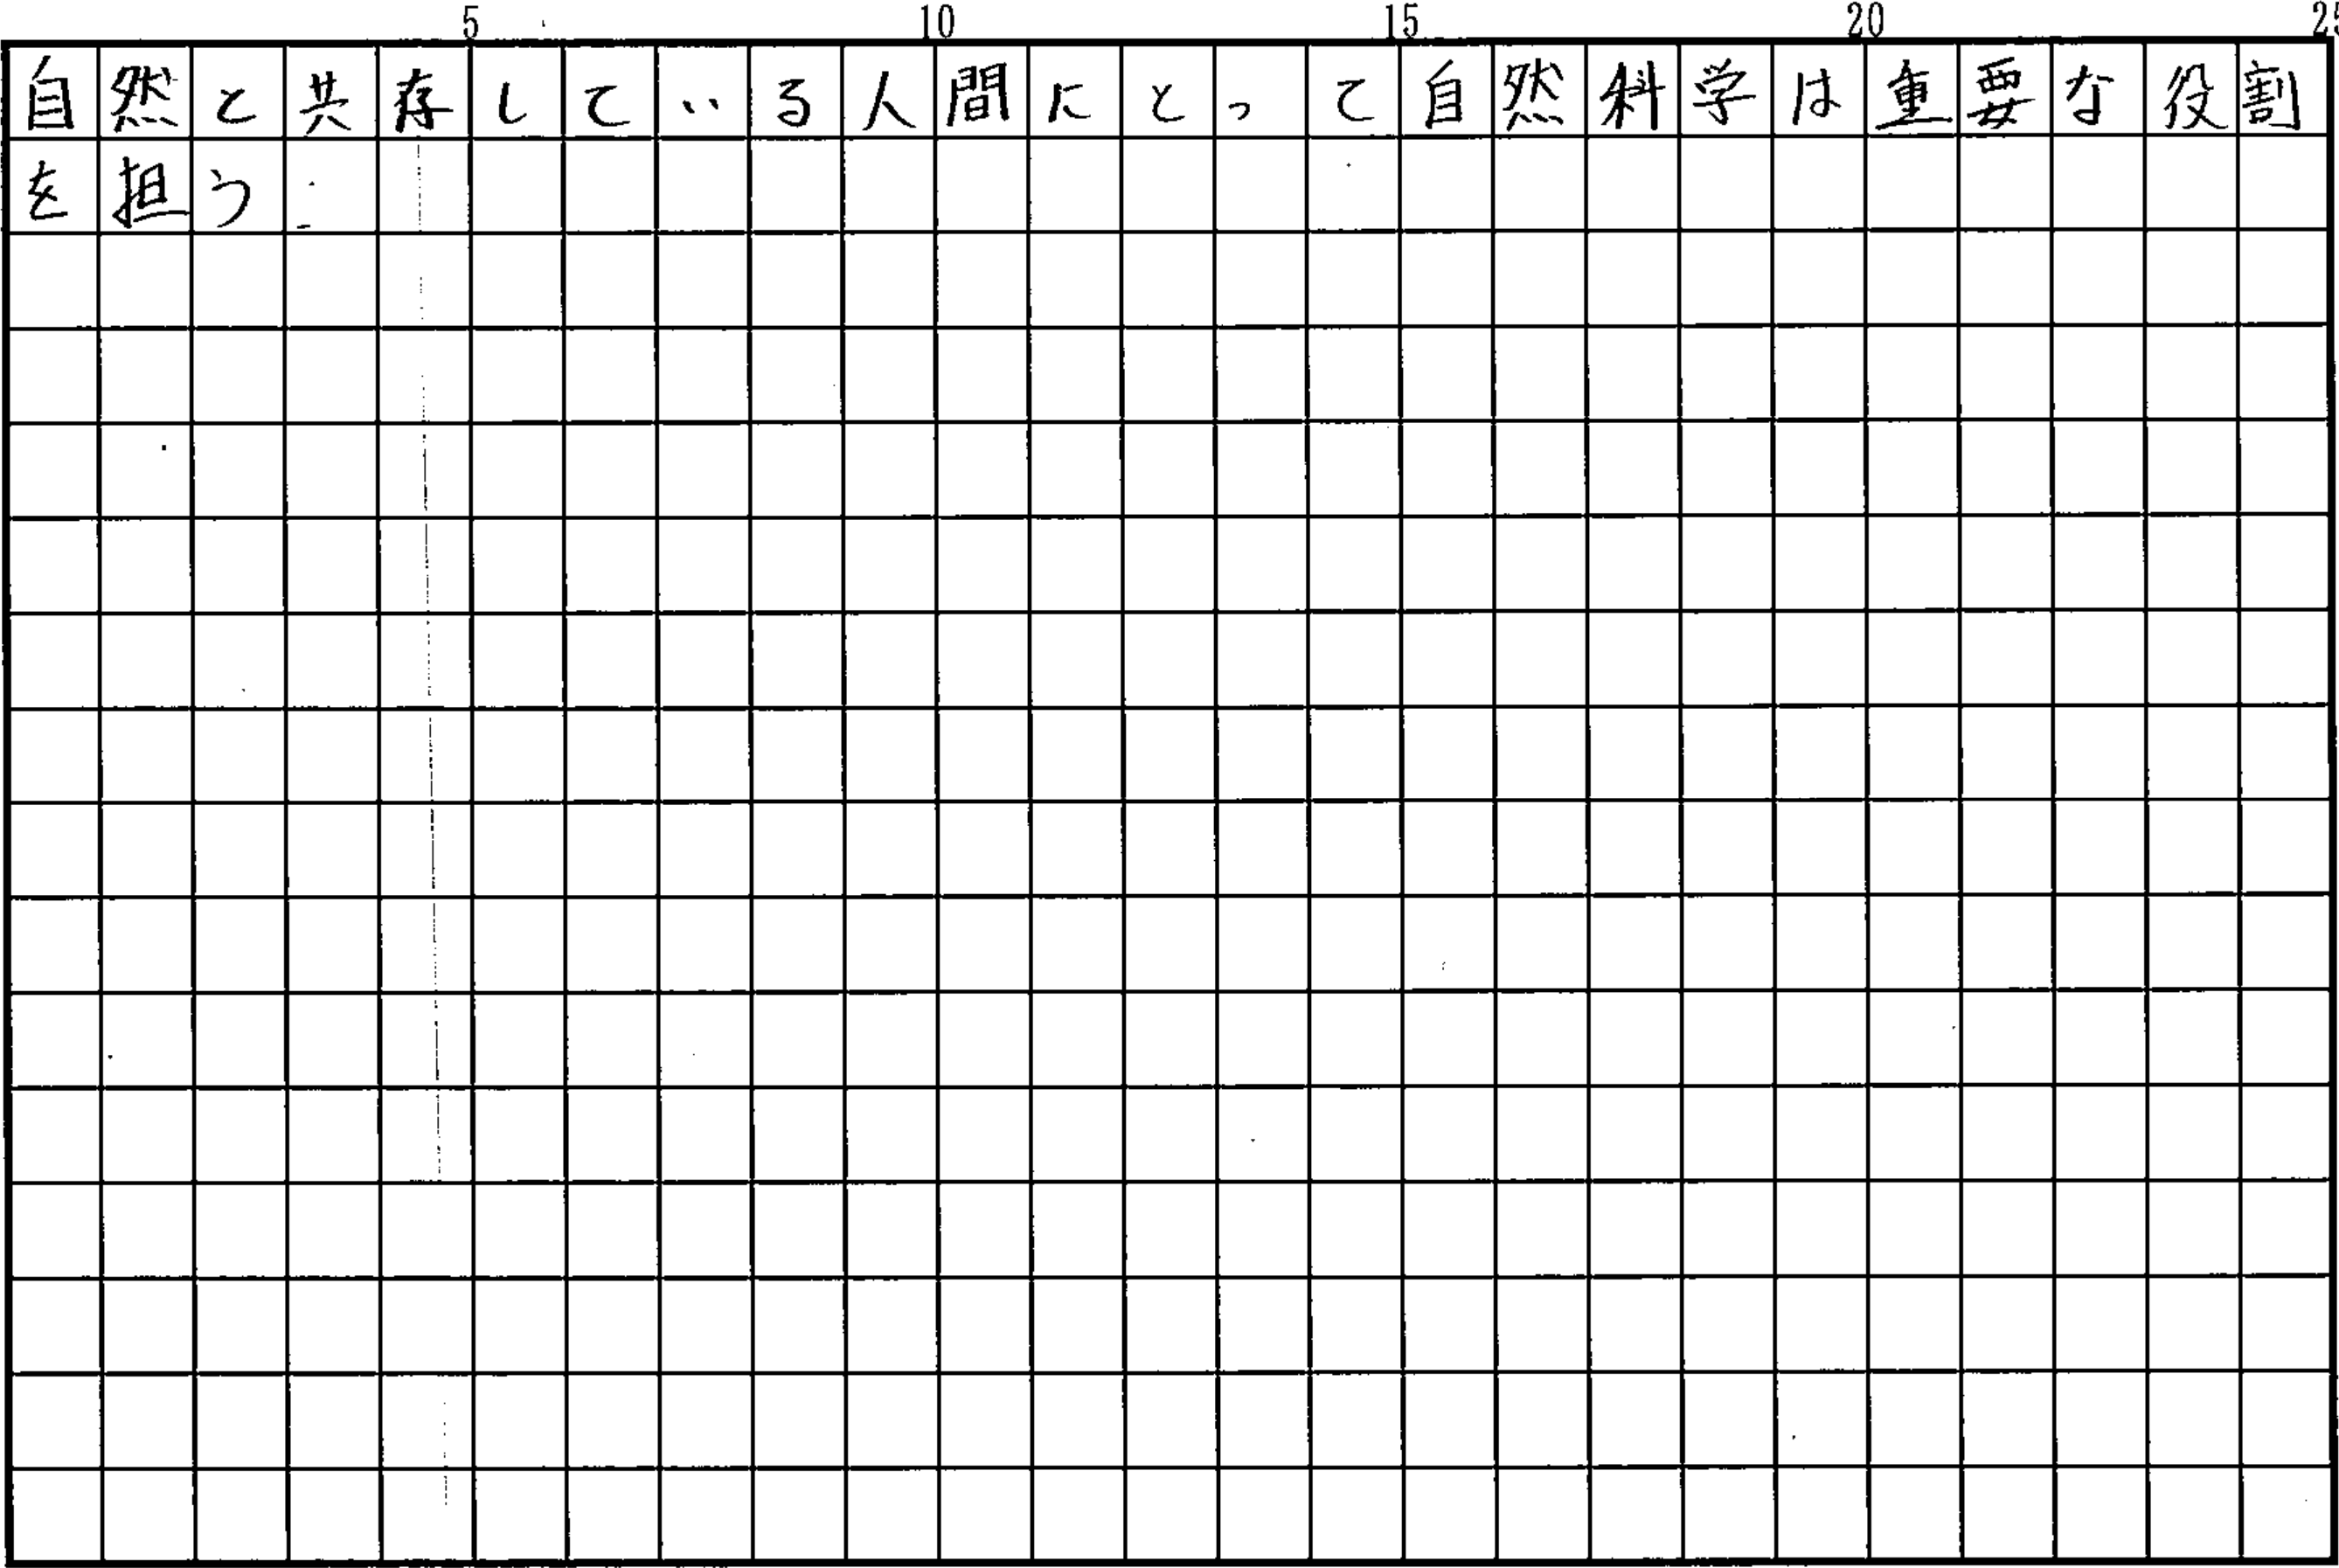自然と共存している人間にとって自然科学は重要な役割を担う。
